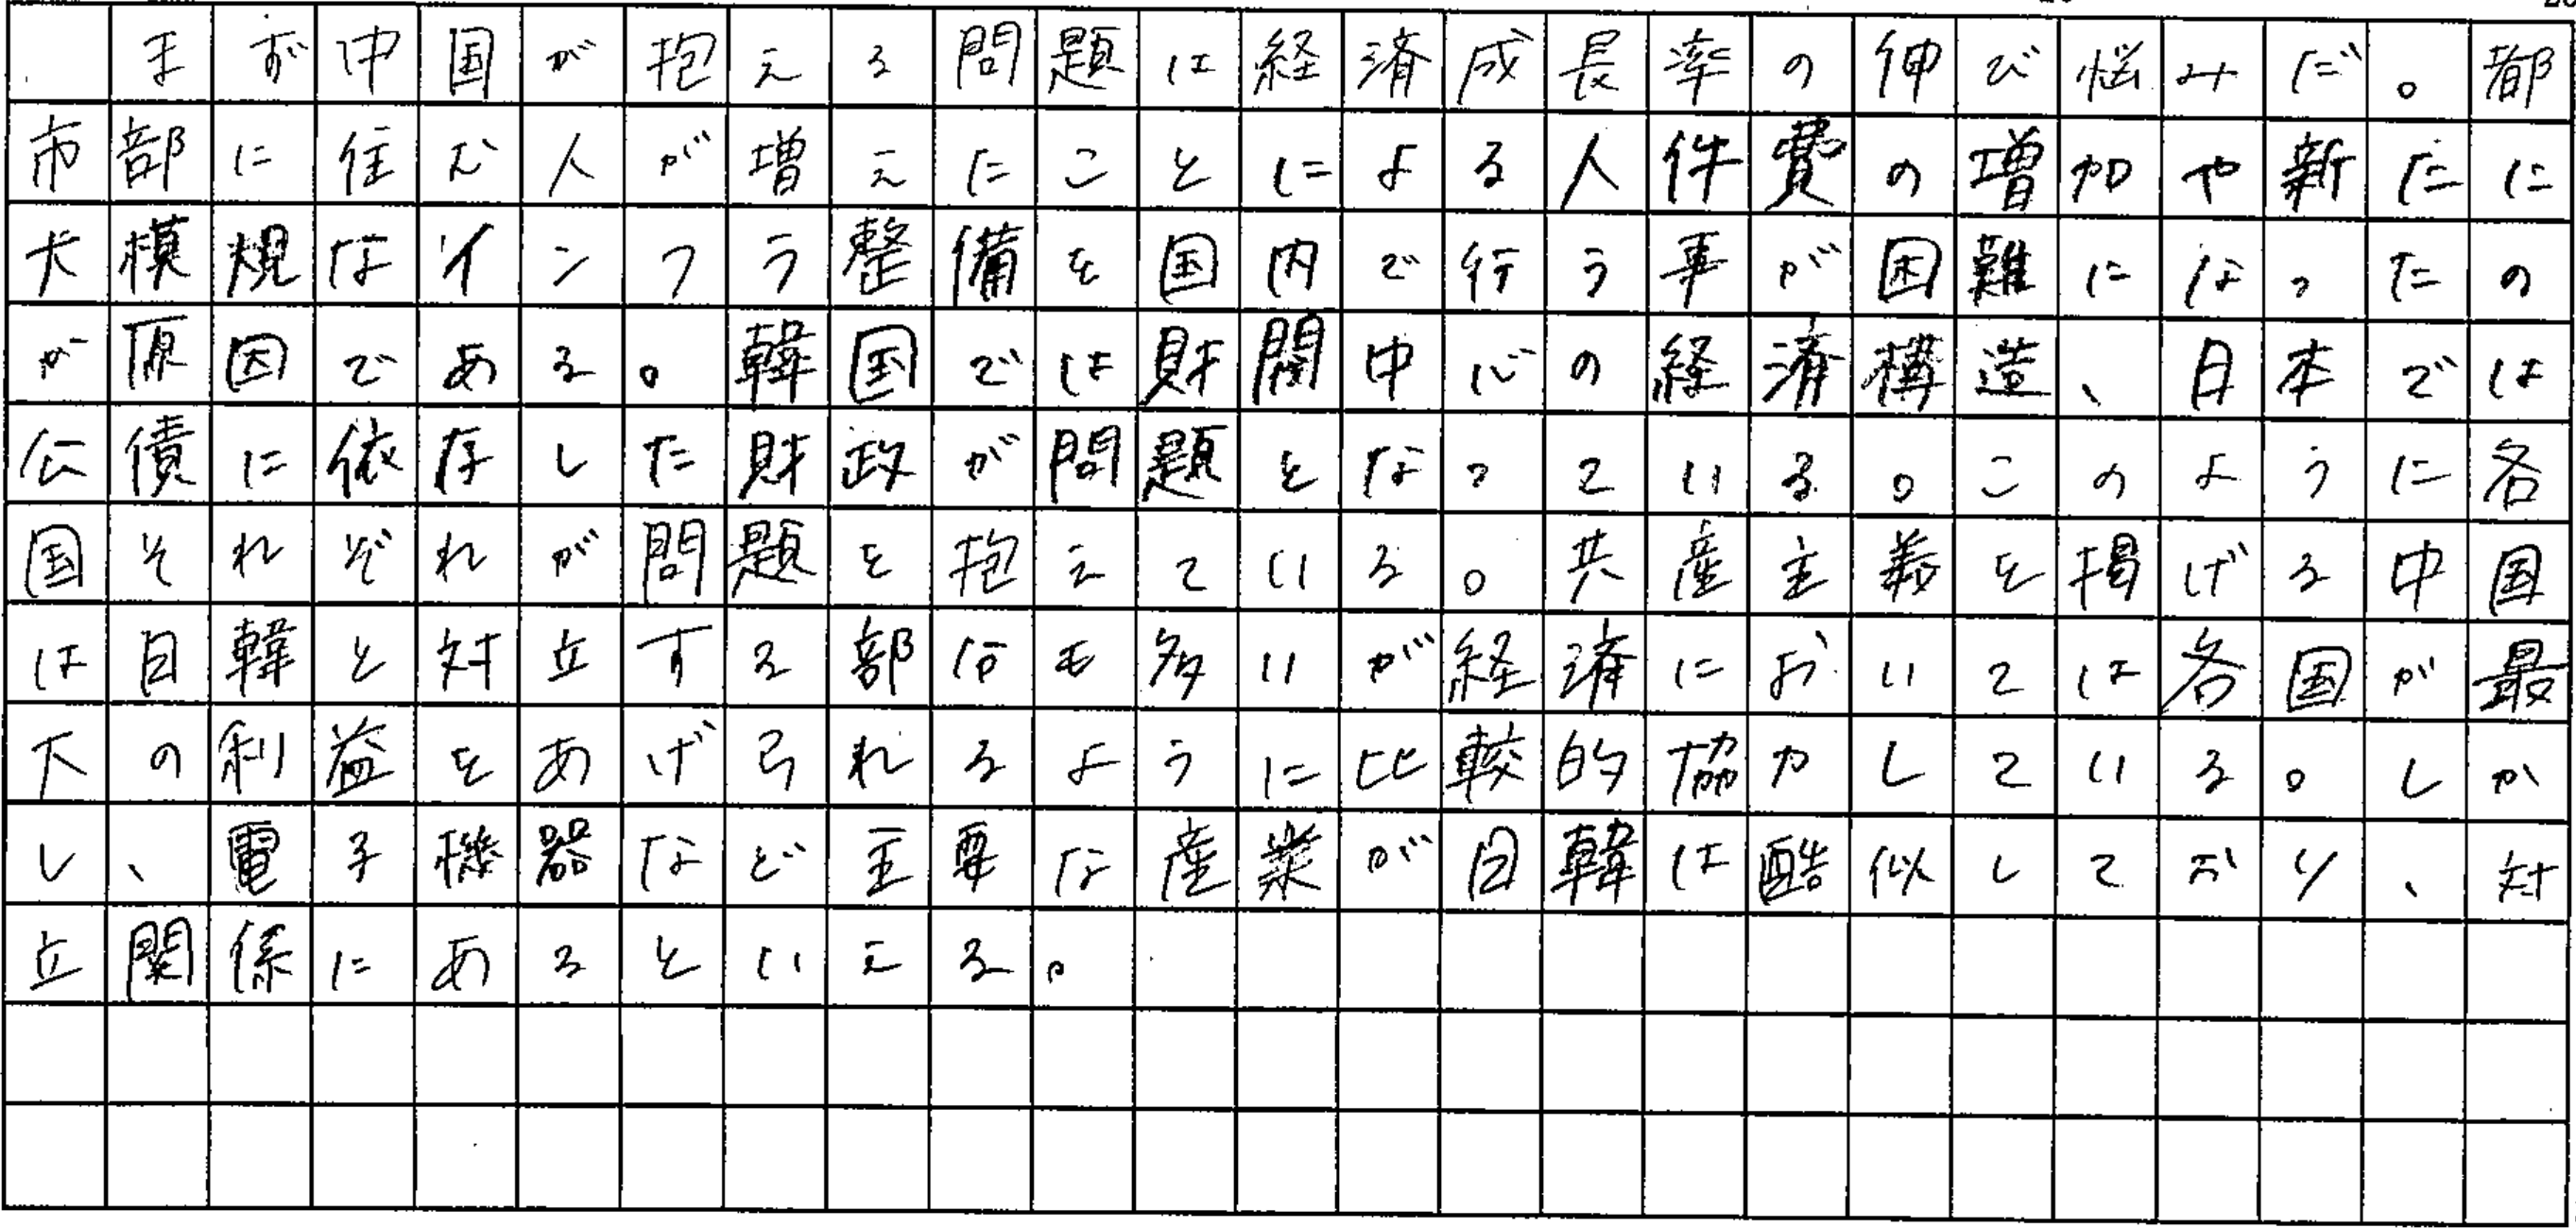　まず中国が抱える問題は経済成長率の伸び悩みだ。都市部に住む人が増えたことによる人件費の増加や新たに大模規なインフラ整備を国内で行う事が困難になったのが原因である。韓国では財閥中心の経済構造、日本では公債に依存した財政が問題となっている。このように各国それぞれが問題を抱えている。共産主義を掲げる中国は日韓と対立する部分も多いが経済においては各国が最大の利益をあげられるように比較的協力している。しかし、電子機器など主要な産業が日韓は酷似しており、対立関係にあるといえる。
